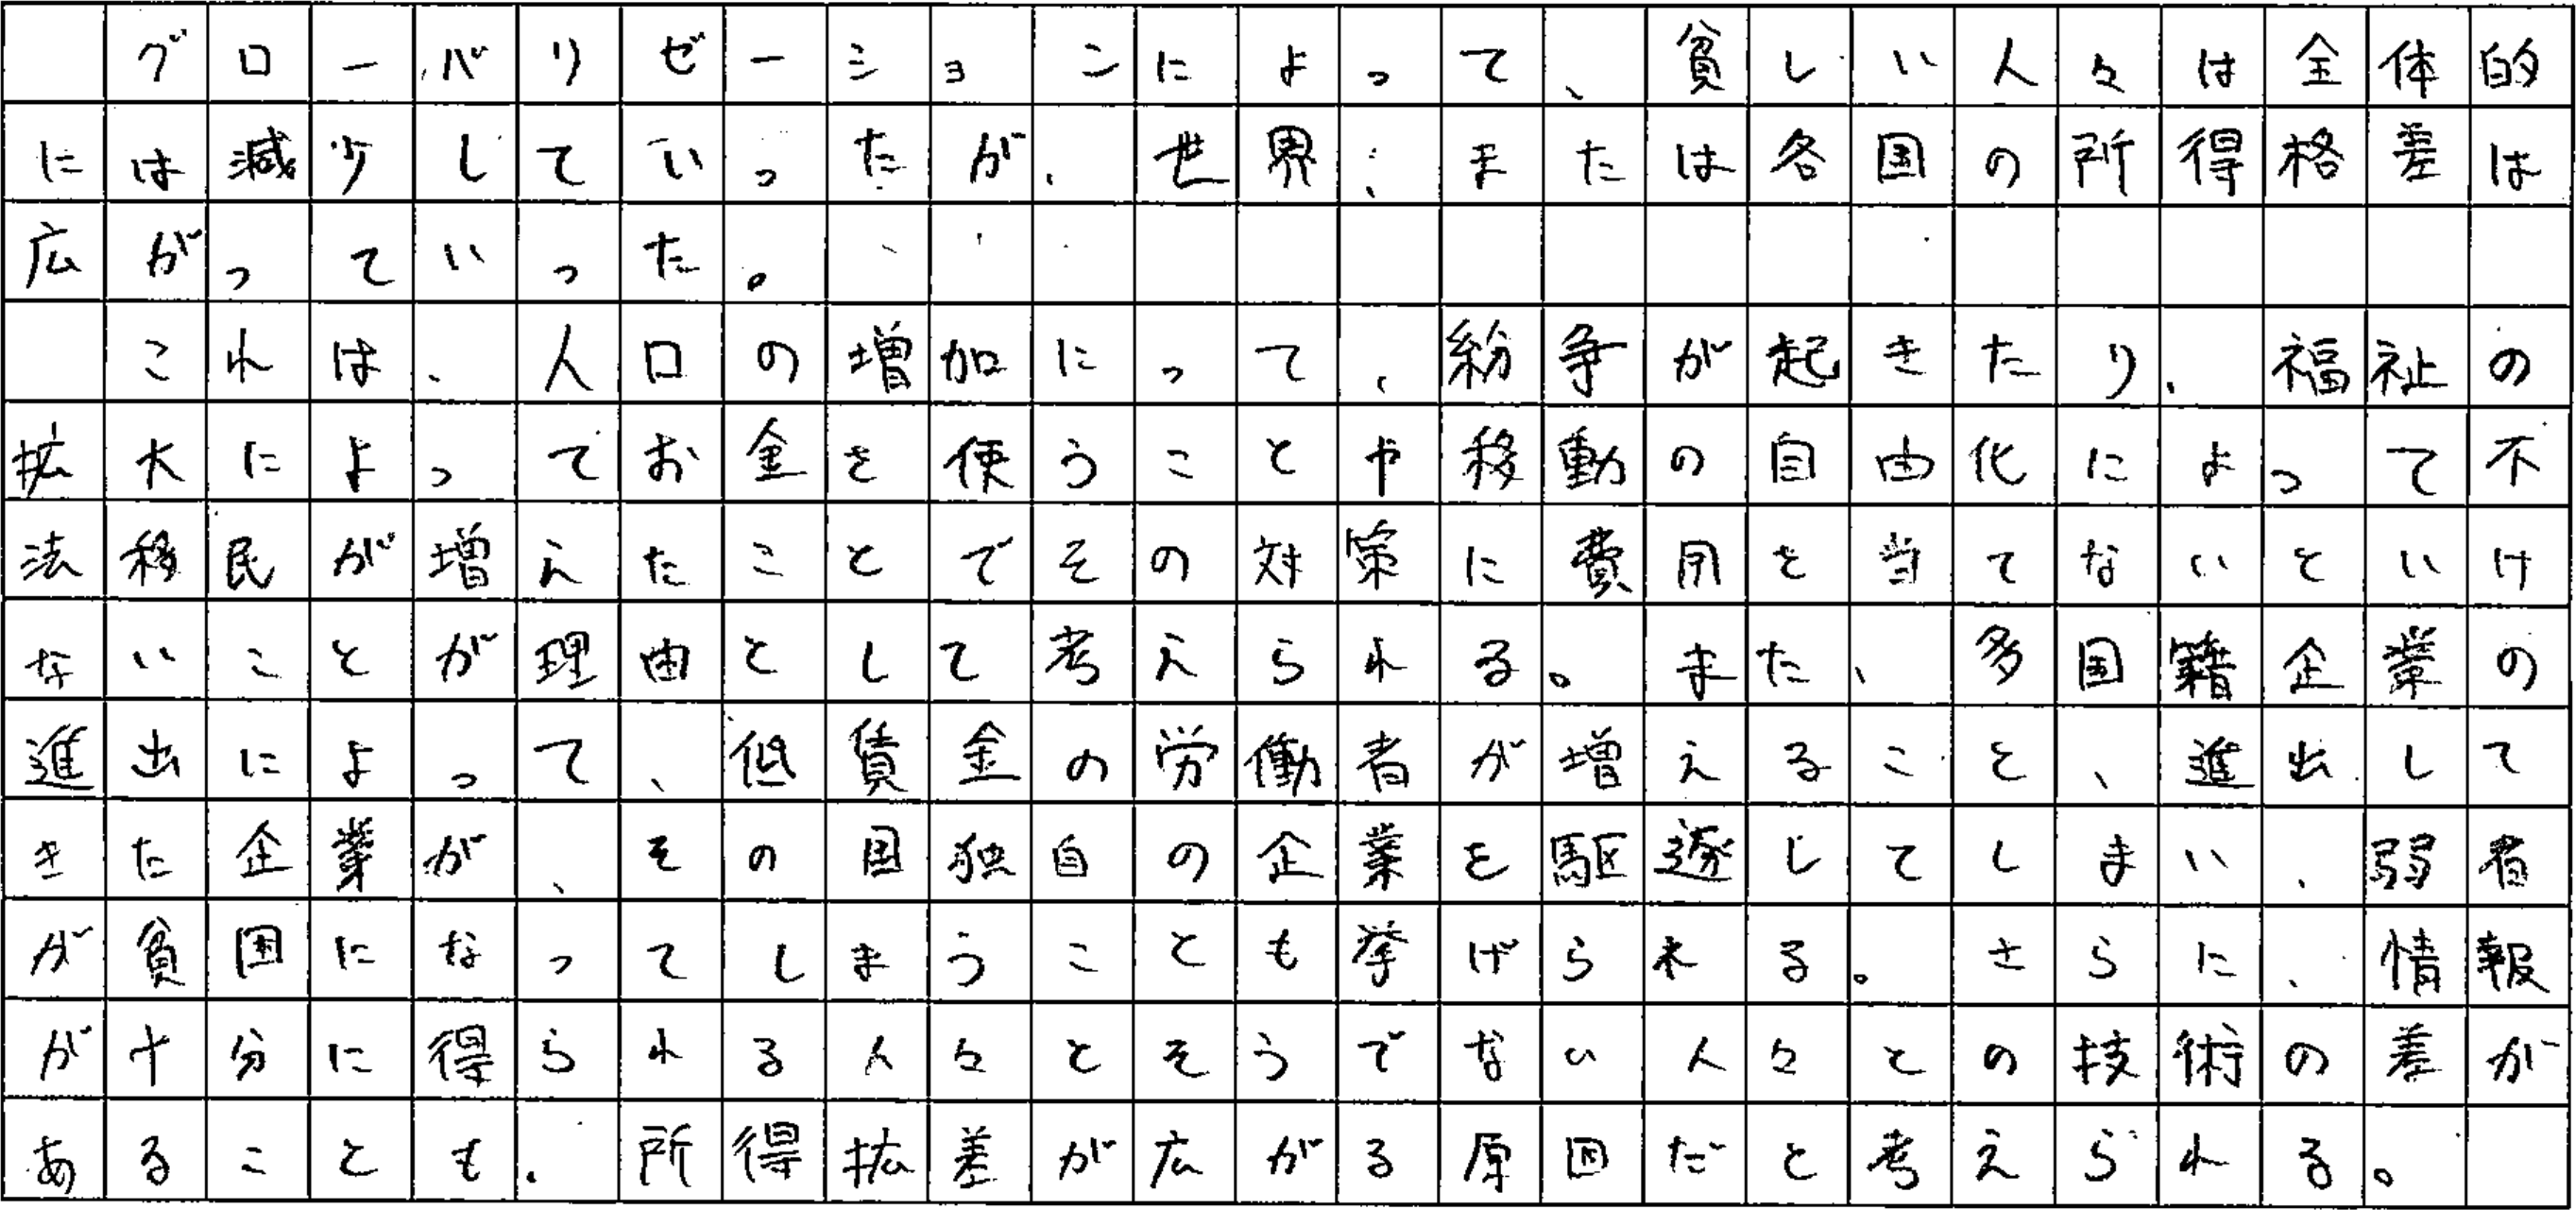　グローバリゼーションによって、貧しい人々は全体的には減少していったが、世界、または各国の所得格差は広がっていった。
　これは、人口の増加によって、紛争が起きたり、福祉の拡大によってお金を使うことや移動の自由化によって不法移民が増えたことでその対策に費用を当てないといけないことが理由として考えられる。また、多国籍企業の進出によって、低賃金の労働者が増えること、進出してきた企▁が、その国独自の企業を駆逐してしまい、弱者が貧困になってしまうことも挙げられる。さらに、情報が十分に得られる人々とそうでない人々との技術の差があることも、所得拡差が広がる原因だと考えられる。
